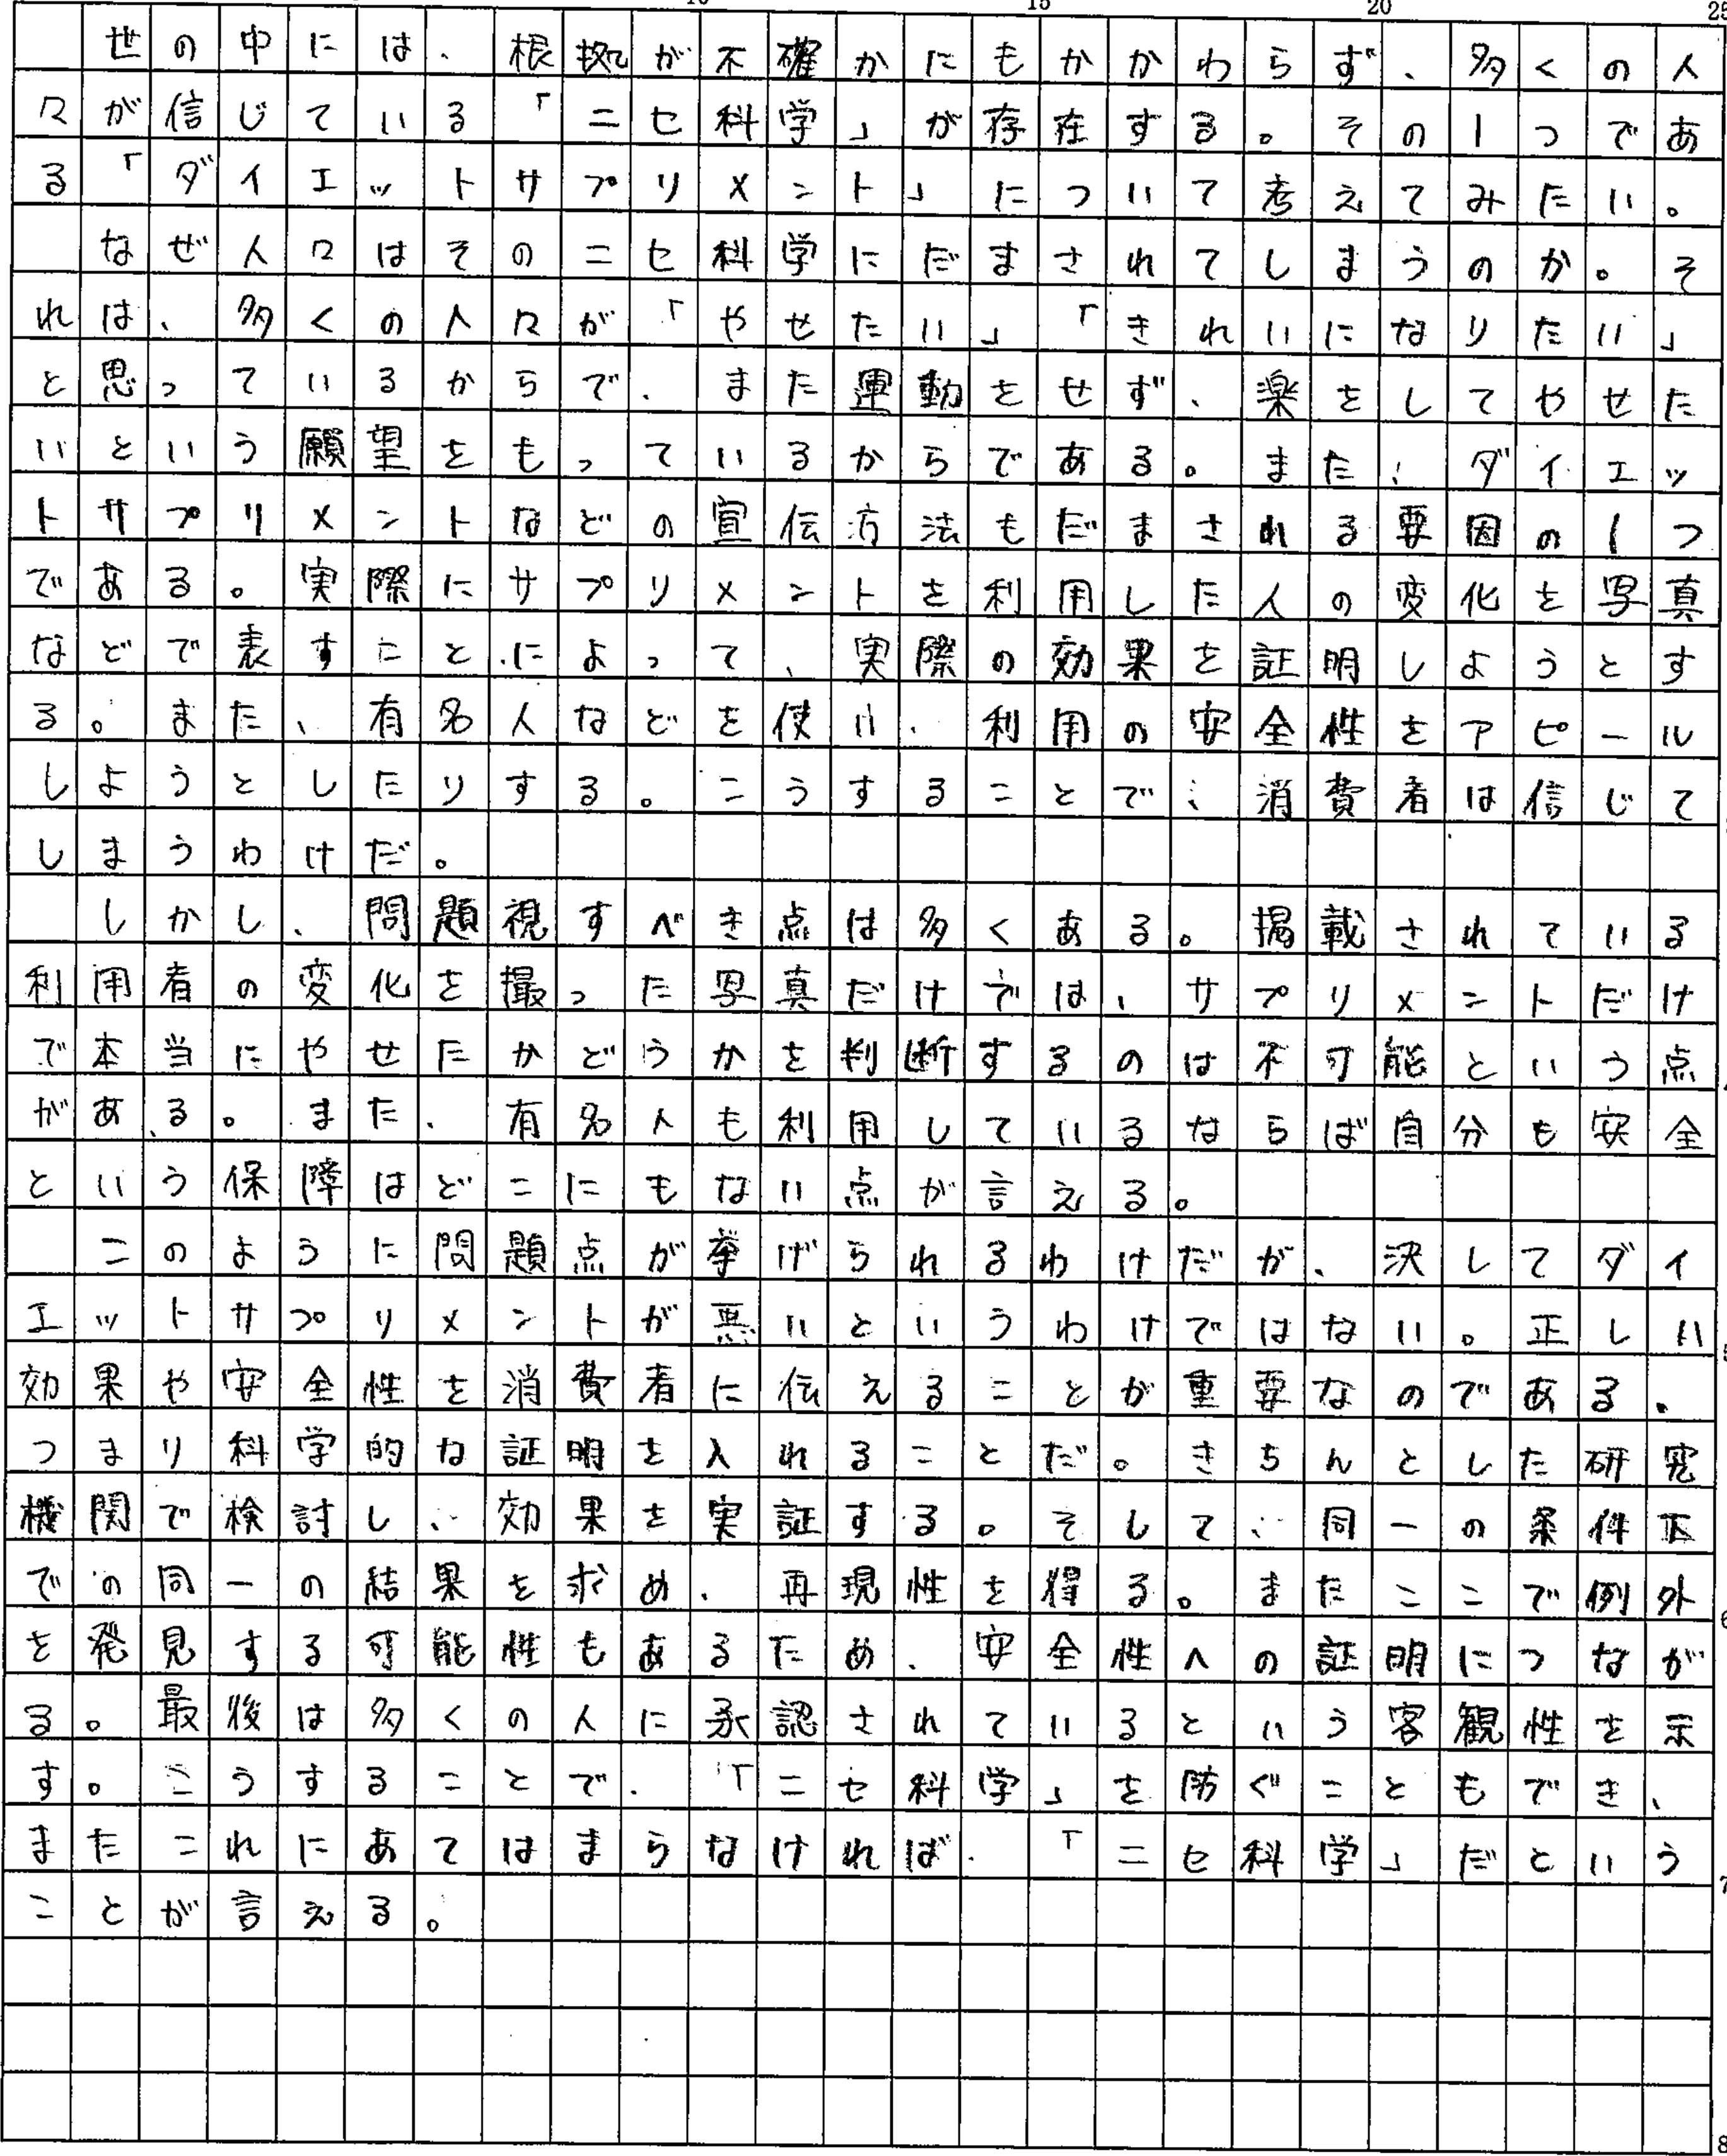　世の中には、根拠が不確かにもかかわらず、多くの人々が信じている「ニセ科学」が存在する。その１つである「ダイエットサプリメント」について考えてみたい。
　なぜ人々はそのニセ科学にだまされてしまうのか。それは、多くの人々が「やせたい」「きれいになりたい」と思っているからで、また運動をせず、楽をしてやせたいという願望をもっているからである。また、ダイエットサプリメントなどの宣伝方法もだまされる要因の１つである。実際にサプリメントを利用した人の変化を写真などで表すことによって、実際の効果を証明しようとする。また、有名人などを使い、利用の安全性をアピールしようとしたりする。こうすることで、消費者は信じてしまうわけだ。
　しかし、問題視すべき点は多くある。掲載されている利用者の変化を撮った写真だけでは、サプリメントだけで本当にやせたかどうかを判断するのは不可能という点がある。また、有名人も利用しているならば自分も安全という保障はどこにもない点が言える。
　このように問題点が挙げられるわけだが、決してダイエットサプリメントが悪いというわけではない。正しい効果や安全性を消費者に伝えることが重要なのである。つまり科学的な証明を入れることだ。きちんとした研究機関で検討し、効果を実証する。そして、同一の条件下での同一の結果を求め、再現性を得る。またここで例外を発見する可能性もあるため、安全性への証明につながる。最後は多くの人に承認されているという客観性を示す。こうすることで、「ニセ科学」を防ぐこともでき、またこれにあてはまらなければ、「ニセ科学」だということが言える。
